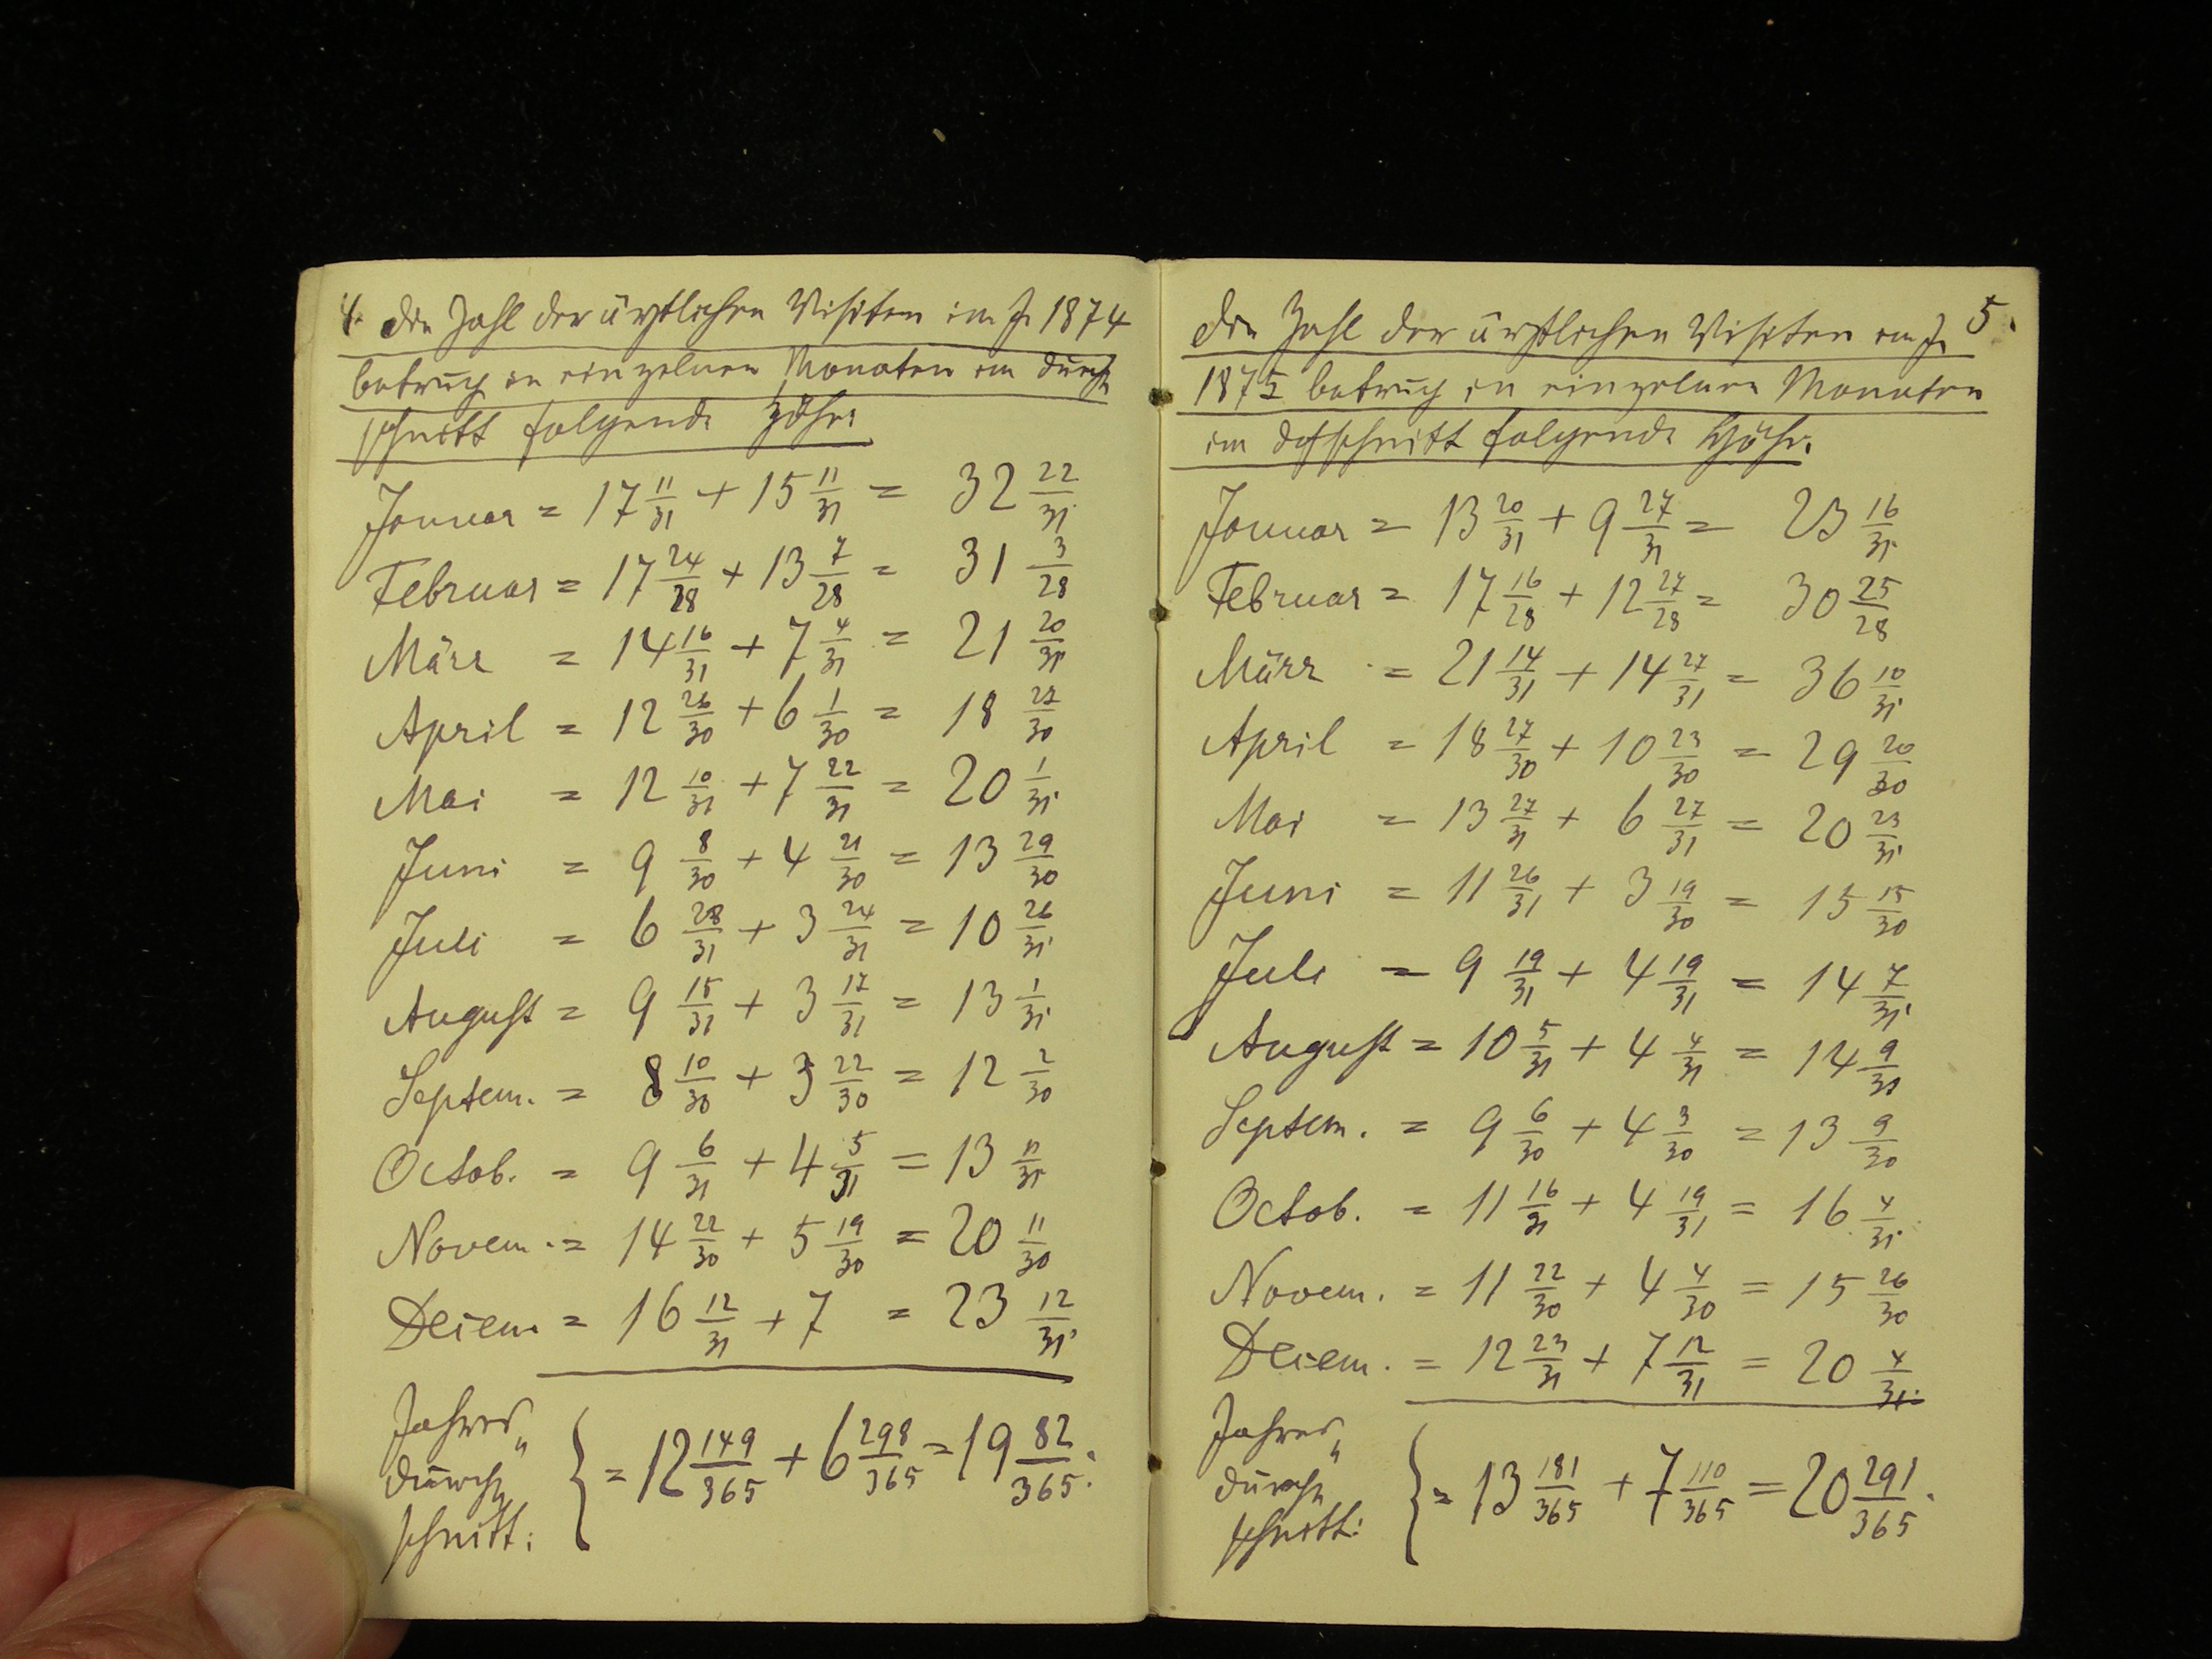4
Die Zahl der ärztlichen Visiten im J. 1874
betrug in einzelnen Monaten im Durch-
schnitt folgende Höhe:
Januar = 17 11/31 + 15 11/31 = 32 22/31
Februar = 17 24/28 + 13 7/28 = 31 3/31
März = 14 16/31 + 7 4/31 = 21 3/28
April = 12 26/30 + 6 1/30 = 18 27/30
Mai = 12 10/31 + 7 22/31 = 20 1/31
Juni = 9 8/30 + 4 21/31 = 13 29/30
Juli = 6 28/31 + 3 24/31 = 10 26/31
August = 9 15/32 + 3 17/31 = 13 1/31
Septem. = 8 10/38 + 3 22/30 = 12 2/30
Octob. = 9 6/31 + 4 5/31 = 13 11/31
Novem. = 14 22/30 + 5 19/30 = 20 12/30
Decem. = 16 12/31 + 7 = 23 12/31
Jahres¬
durch¬
schnitt:
= 12 149/365 * 6 298/365 = 19 82/365
5
Die Zahl der ärztlichen Visiten im J.
1875 betrug in einzelnen Monaten
im Durchschnitt folgende Höhe:
Januar = 13 20/31 + 9 27/31 = 23 16/31
Februar = 17 16/28 + 12 27/28 = 30 25/28
März = 21 14/31 + 14 27/31 = 36 10/ 31
April = 18 27/30 + 10 23/30 = 29 20/30
Mai = 13 27/31 + 6 27/31 = 20 23/31
Juni = 11 26/31 + 3 19/30 = 15 15/30
Juli = 9 19/31 + 4 19/31 = 14 7/31
August = 10 5/31 + 4 4/31 = 14 9/30
Septem. = 9 6/30 + 4 3/30 = 13 9/30
Octob. = 11 22/30 + 4 19/31 = 16 4/41
Novem. = 11 22/30 + 4 4/30 = 15 26/30
Decem. = 12 33/31 + 7 12/31 = 20 4/31
Jahres¬
durch¬
schnitt:
= 13 181/365 + 7 110/365 = 20 291/365